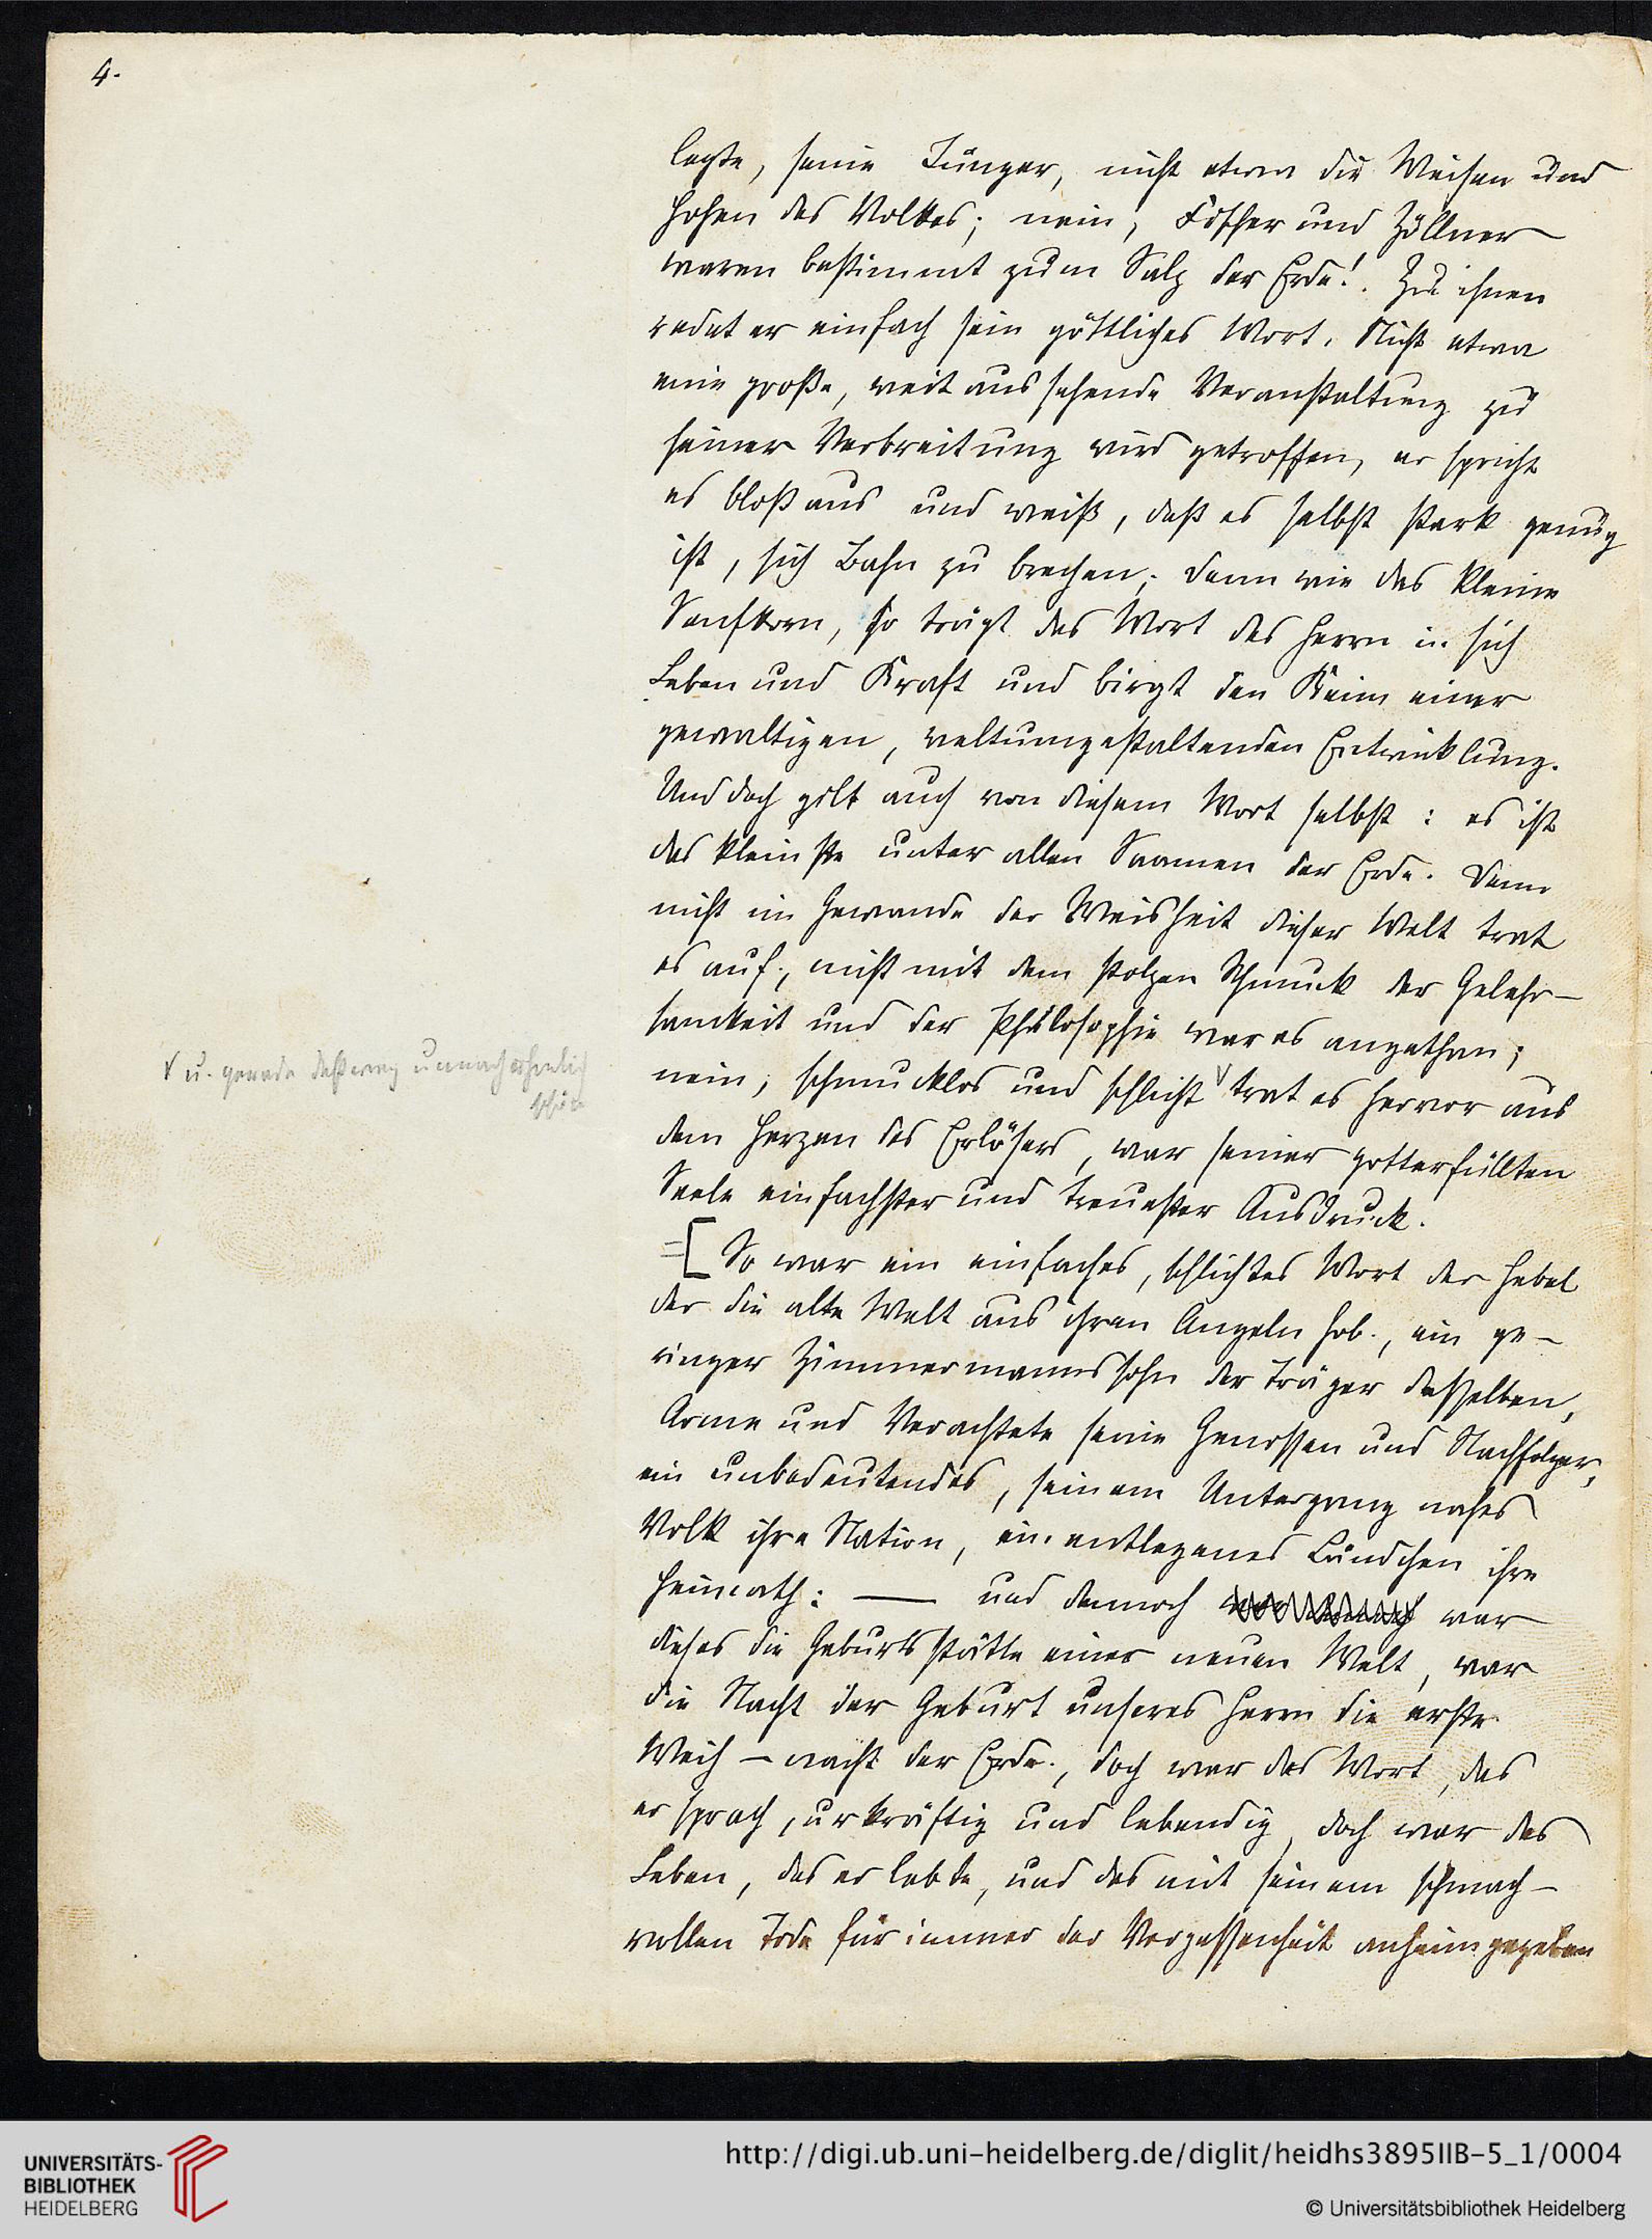u. gerade deßweg unnachahmlich
schön
legte, seine Jünger, nicht etwa die Weisen und
Hohen des Volkes; nein, Fischer und Zöllner
waren bestimmt zum Salz der Erde!. Zu ihnen
redet er einfach sein göttliches Wort. Nicht etwa
eine große, weitaussehende Veranstaltung zu
seiner Verbreitung wird getroffen, er spricht
es bloß aus und weiß, daß er selbst stark genug
ist, sich Bahn zu brechen. Denn wie das kleine
Senfkorn, so trägt das Wort des Herrn in sich
Leben und Kraft und birgt den Keim einer
gewaltigen, weltumgestaltenden Entwicklung.
Und doch gilt auch von diesem Wort selbst: es ist
das kleinste unter allen Samen der Erde. Denn
nicht im Gewande der Weisheit dieser Welt trat
es auf, nicht mit dem stolzen Schmuck der Gelehr¬
samkeit und der Philosophie war es angethan;
nein; schmucklos und schlicht V trat es ferner aus
dem Herzen des Erlösers, war seiner gotterfüllten
Selle einfachster und treuester Ausdruck.
So war ein einfachse, schlichtes Wort der Hebel
der die alte Welt aus ihren Angeln hob, ein ge¬
ringer Zimmermannssohn der Träger desselben,
Arme und Verachtete seine Genossen und Nachfolger,
ein unbedeutendes, seinem Untergang nahes
Volk ihre Nation, ein entlegenes Lädchen ihre
Heimath:
_
und dennoch war Bereich war
dieses die Geburtsstätte einer neuen Welt, war
die Nacht der Geburt unseres Herrn die erste
Weih-nacht der Erde, doch war das Wort, das
er sprach, urkräftig und lebendig, doch war das
Leben, das er lebte, und das mit seinem schmach¬
vollen Tode für immer der Vergessenheit anheimgegeben